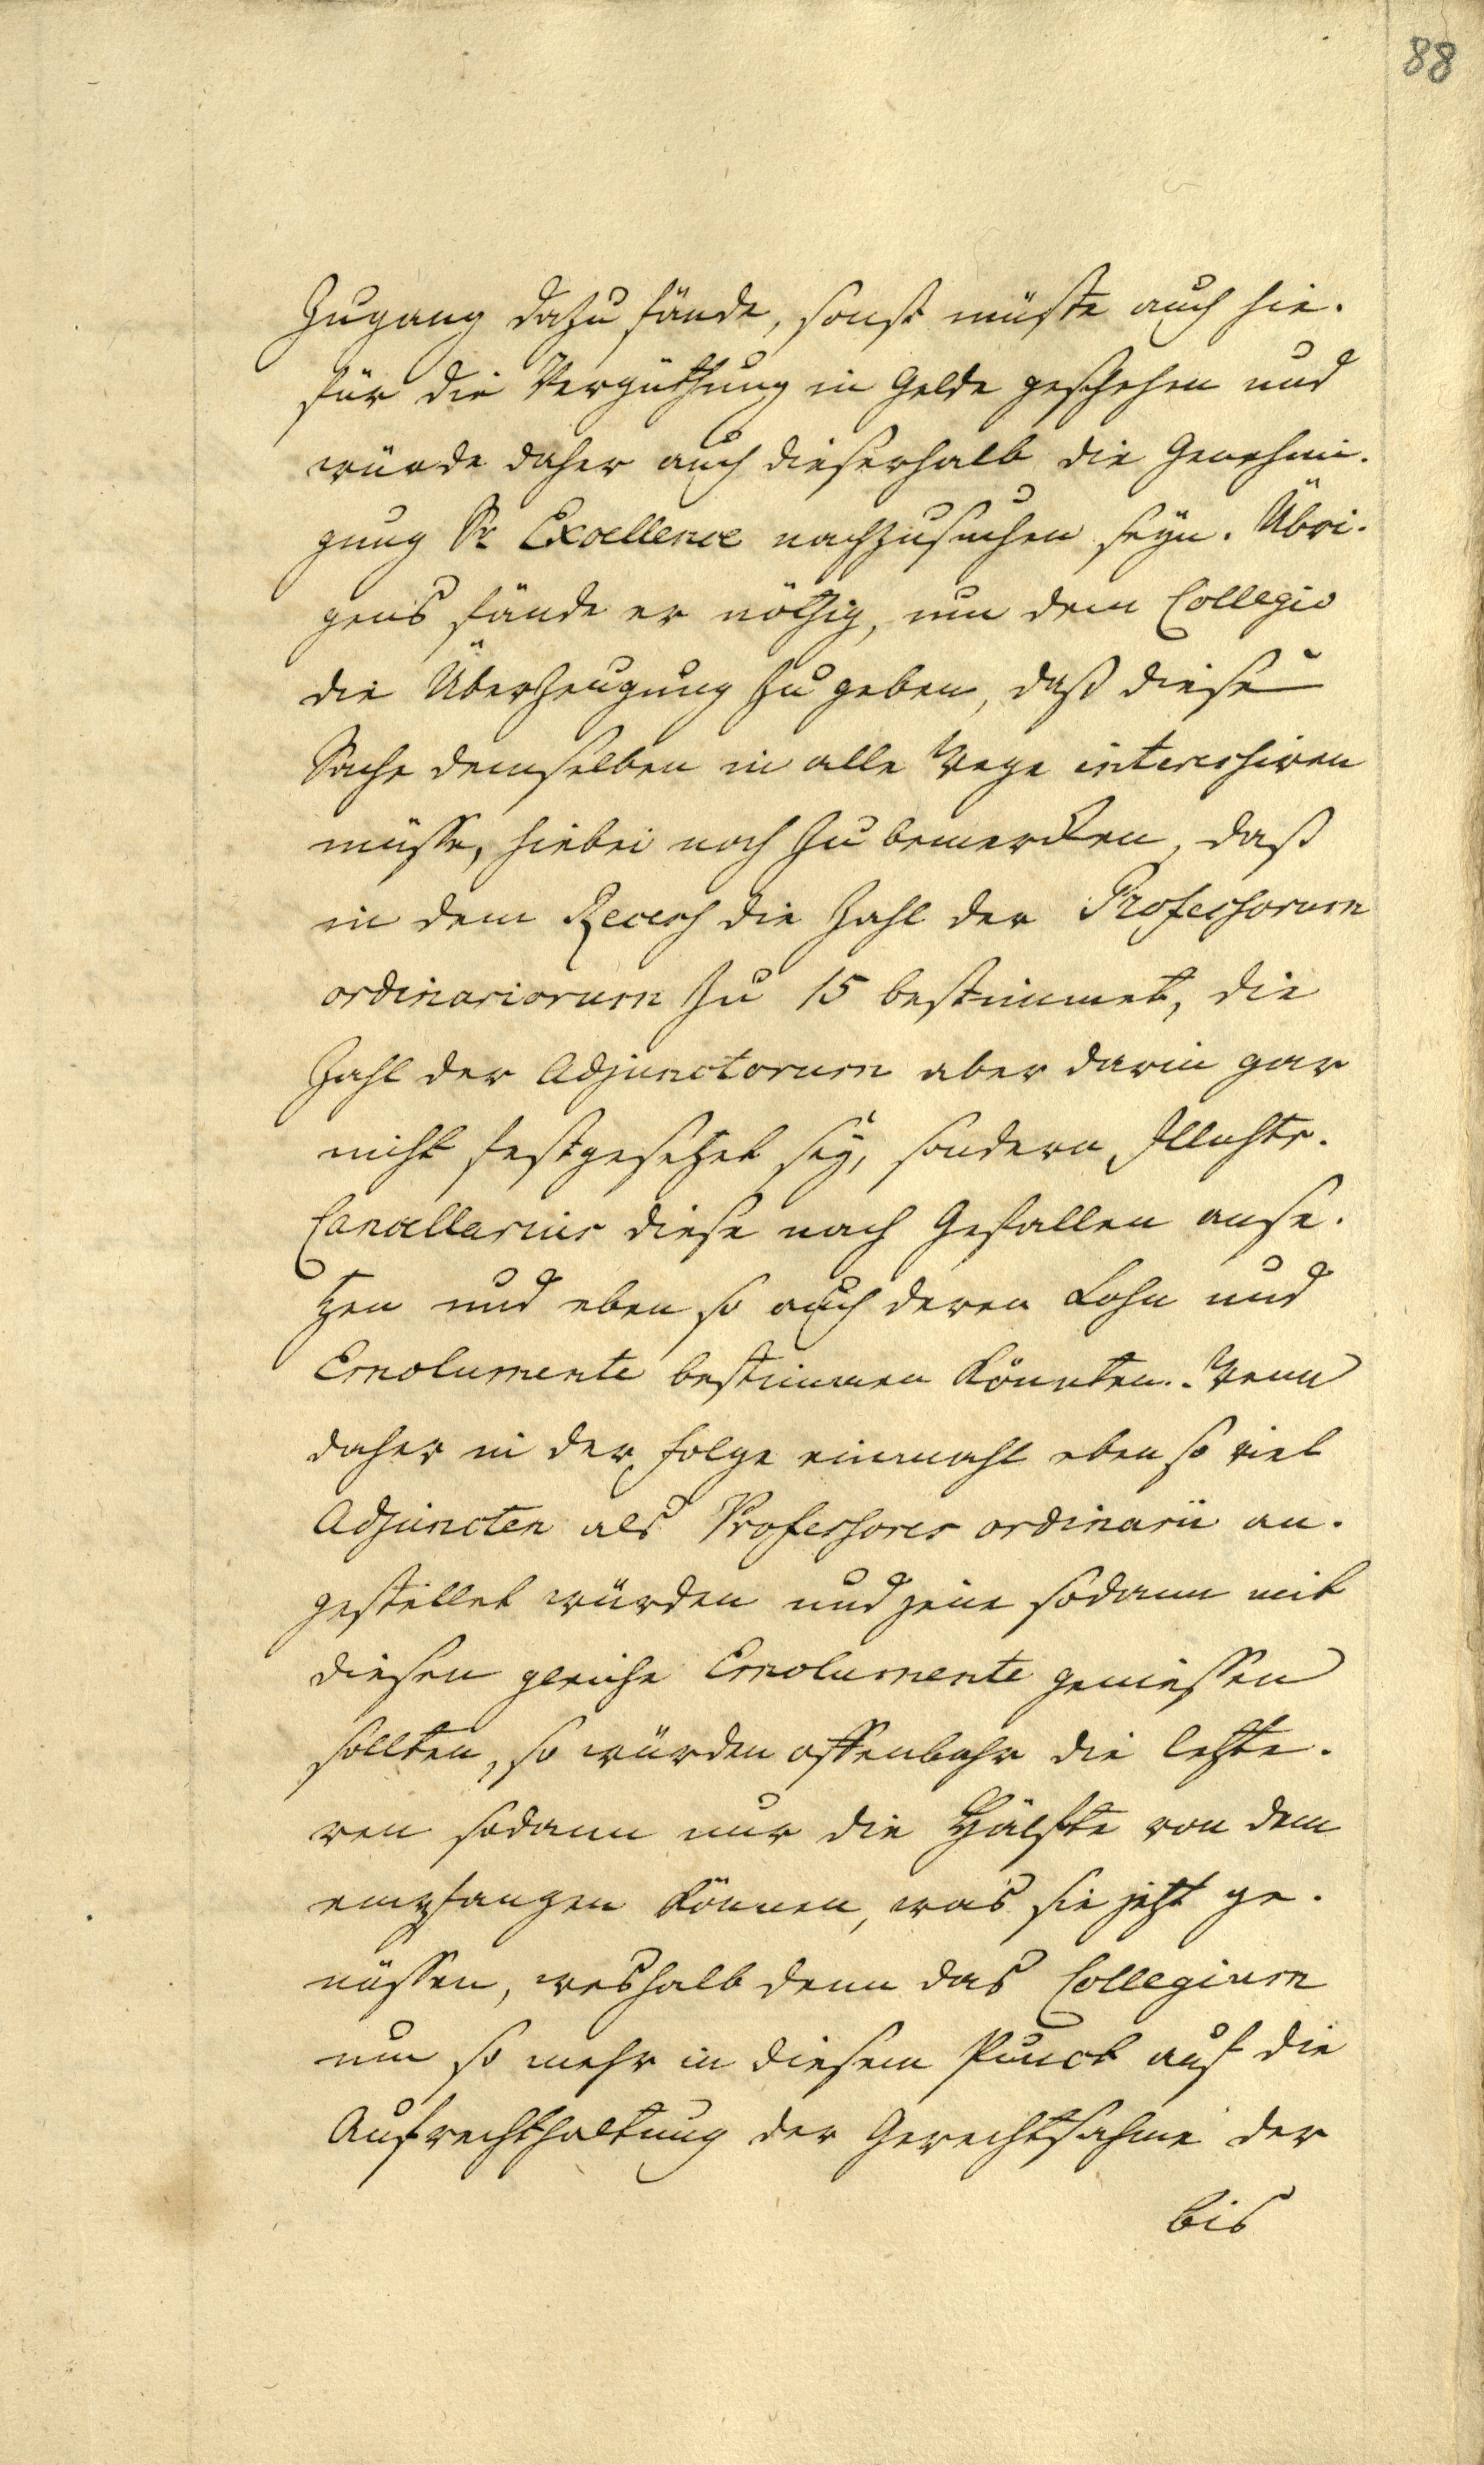Zugang dazu fände, sonst müsse auch hie¬
für die Vergüthung in Gelde geschehen und
würde daher auch dieserhalb die Genehmi¬
gung Sr Excellence nachzusuchen seÿn. Übri¬
gens fände er nöthig, um dem Collegio
die Überzeugung zu geben, daß diese
Sache demselben in alle Wege interessiren
müsse, hiebei noch zu bemercken, daß
in dem Recess die Zahl der Professorum
odinariorum zu 15 bestimmet, die
Zahl der Adjunctorum aber darin gar
nicht festgesetzet seÿ, sondern Illustr.
Cancellarius diese nach Gefallen anse¬
tzen und eben so auch deren Lohn und
Emolumente bestimmen könnten. Wenn
daher in der Folge einmahl eben so viel
Adjuncten als Professores ordinarii an¬
gestellet würden und eine sodann mit
diesen gleiche Emolumente geniessen
sollten, so würden offenbahr die letzte¬
ren sodann nur die Hälfte von dem
empfangen können, was sie jetzt ge¬
nüssen, weshalb denn das Collegium
um so mehr in diesem Punct auf die
Aufrechthaltung der Gerechtsahme der
bis